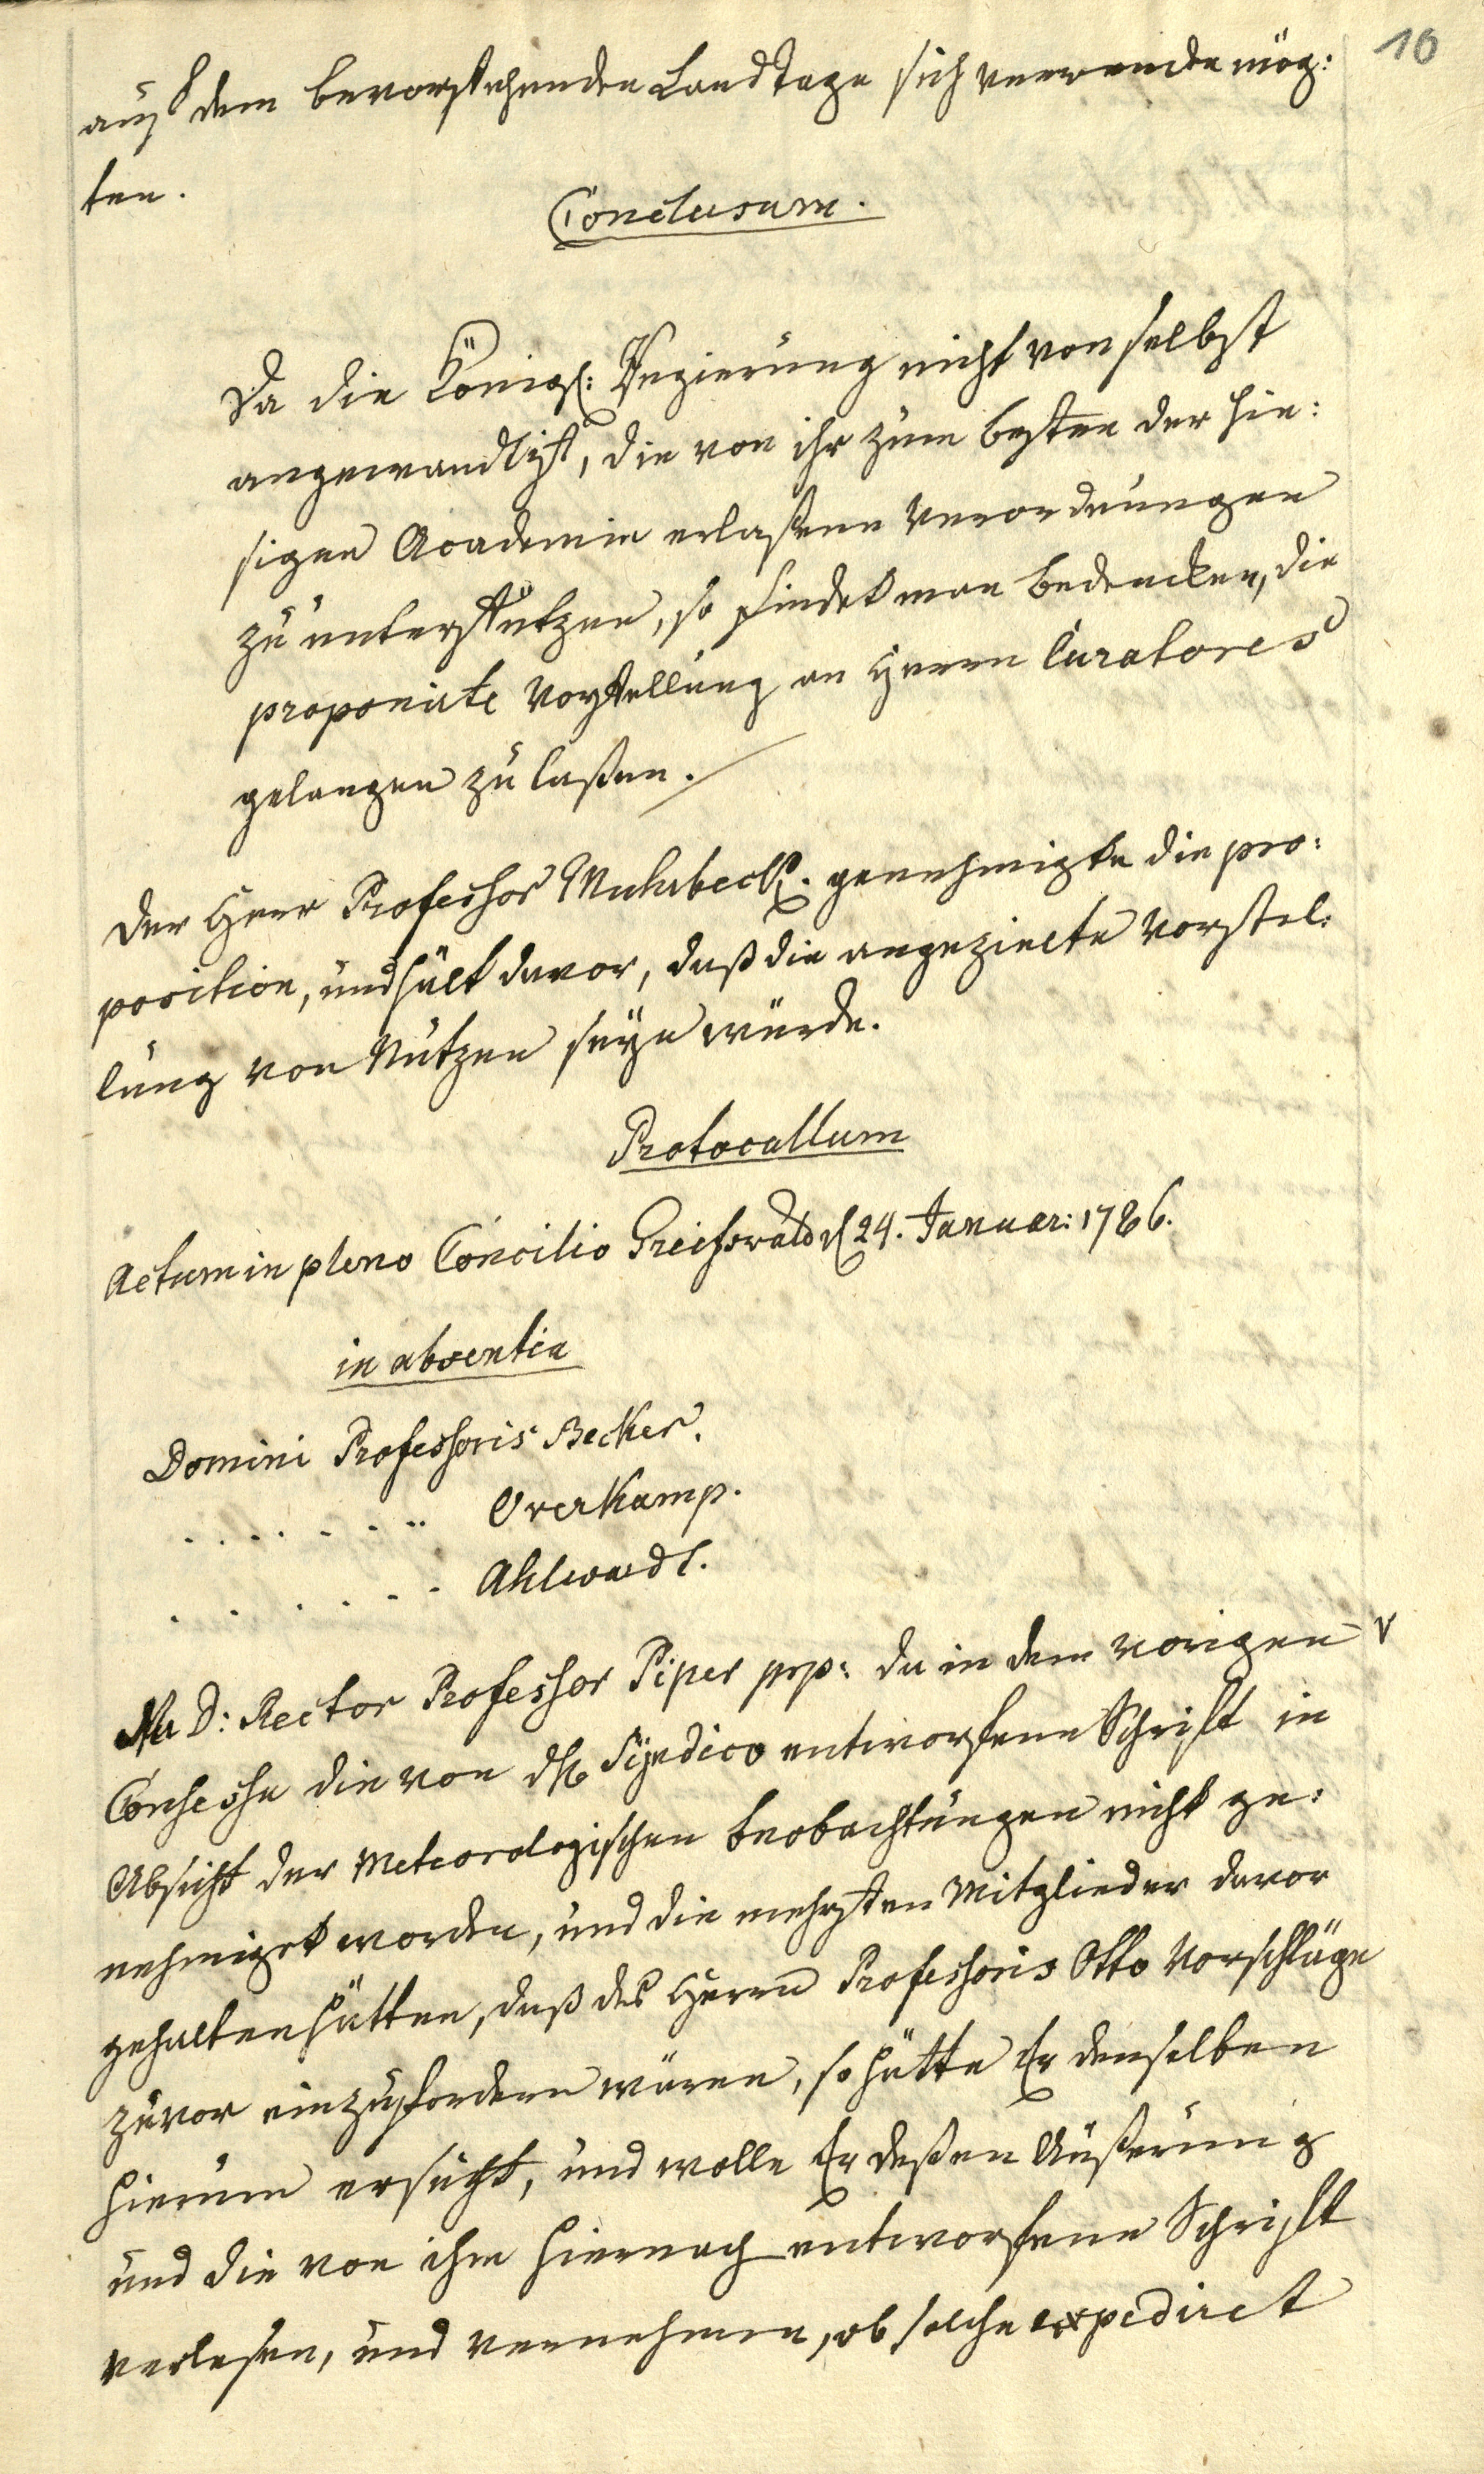auf dem bevorstehenden Landtage sich verwenden mög¬
ten.
Conclusum
Da die Königl Regierung nicht von selbst
angewandt ist, die von ihr zum besten der hie¬
sigen Academie erlaßene Verordnungen
zu unterstützen, so findet man Bedencken, die
proponirte Vorstellung an Herrn Curatores
gelangen zu laßen.
Der Herr Professor Muhrbeck genehmigte die pro¬
position, und hält davor, daß die angezielte Vorstel¬
lung von Nutzen seÿn würde.
Protocollum
Actumin pleno Concilio Greifswald d. 24. Januar 1786.
in absentia
Domini Professoris Becker.
Overkamp.
Ahlwardt.
M. D. Rector Professor Piper prp da in dem vorigen
Consessu die von dh Sÿndico entworfene Schrift in
Absicht der Meteorologischen Beobachtungen nicht ge¬
nehmiget worden, und die mehrsten Mitglieder davor
gehalten hätten, daß des Herrn Professoris Otto Vorschläge
zuvor einzufordern wären, so hätte Er denselben
hierin ersucht, und wolle Er deßen Äußerung
und die von ihm hiernach entworfene Schrift
verlesen, und vernehmen, ob solche expediret